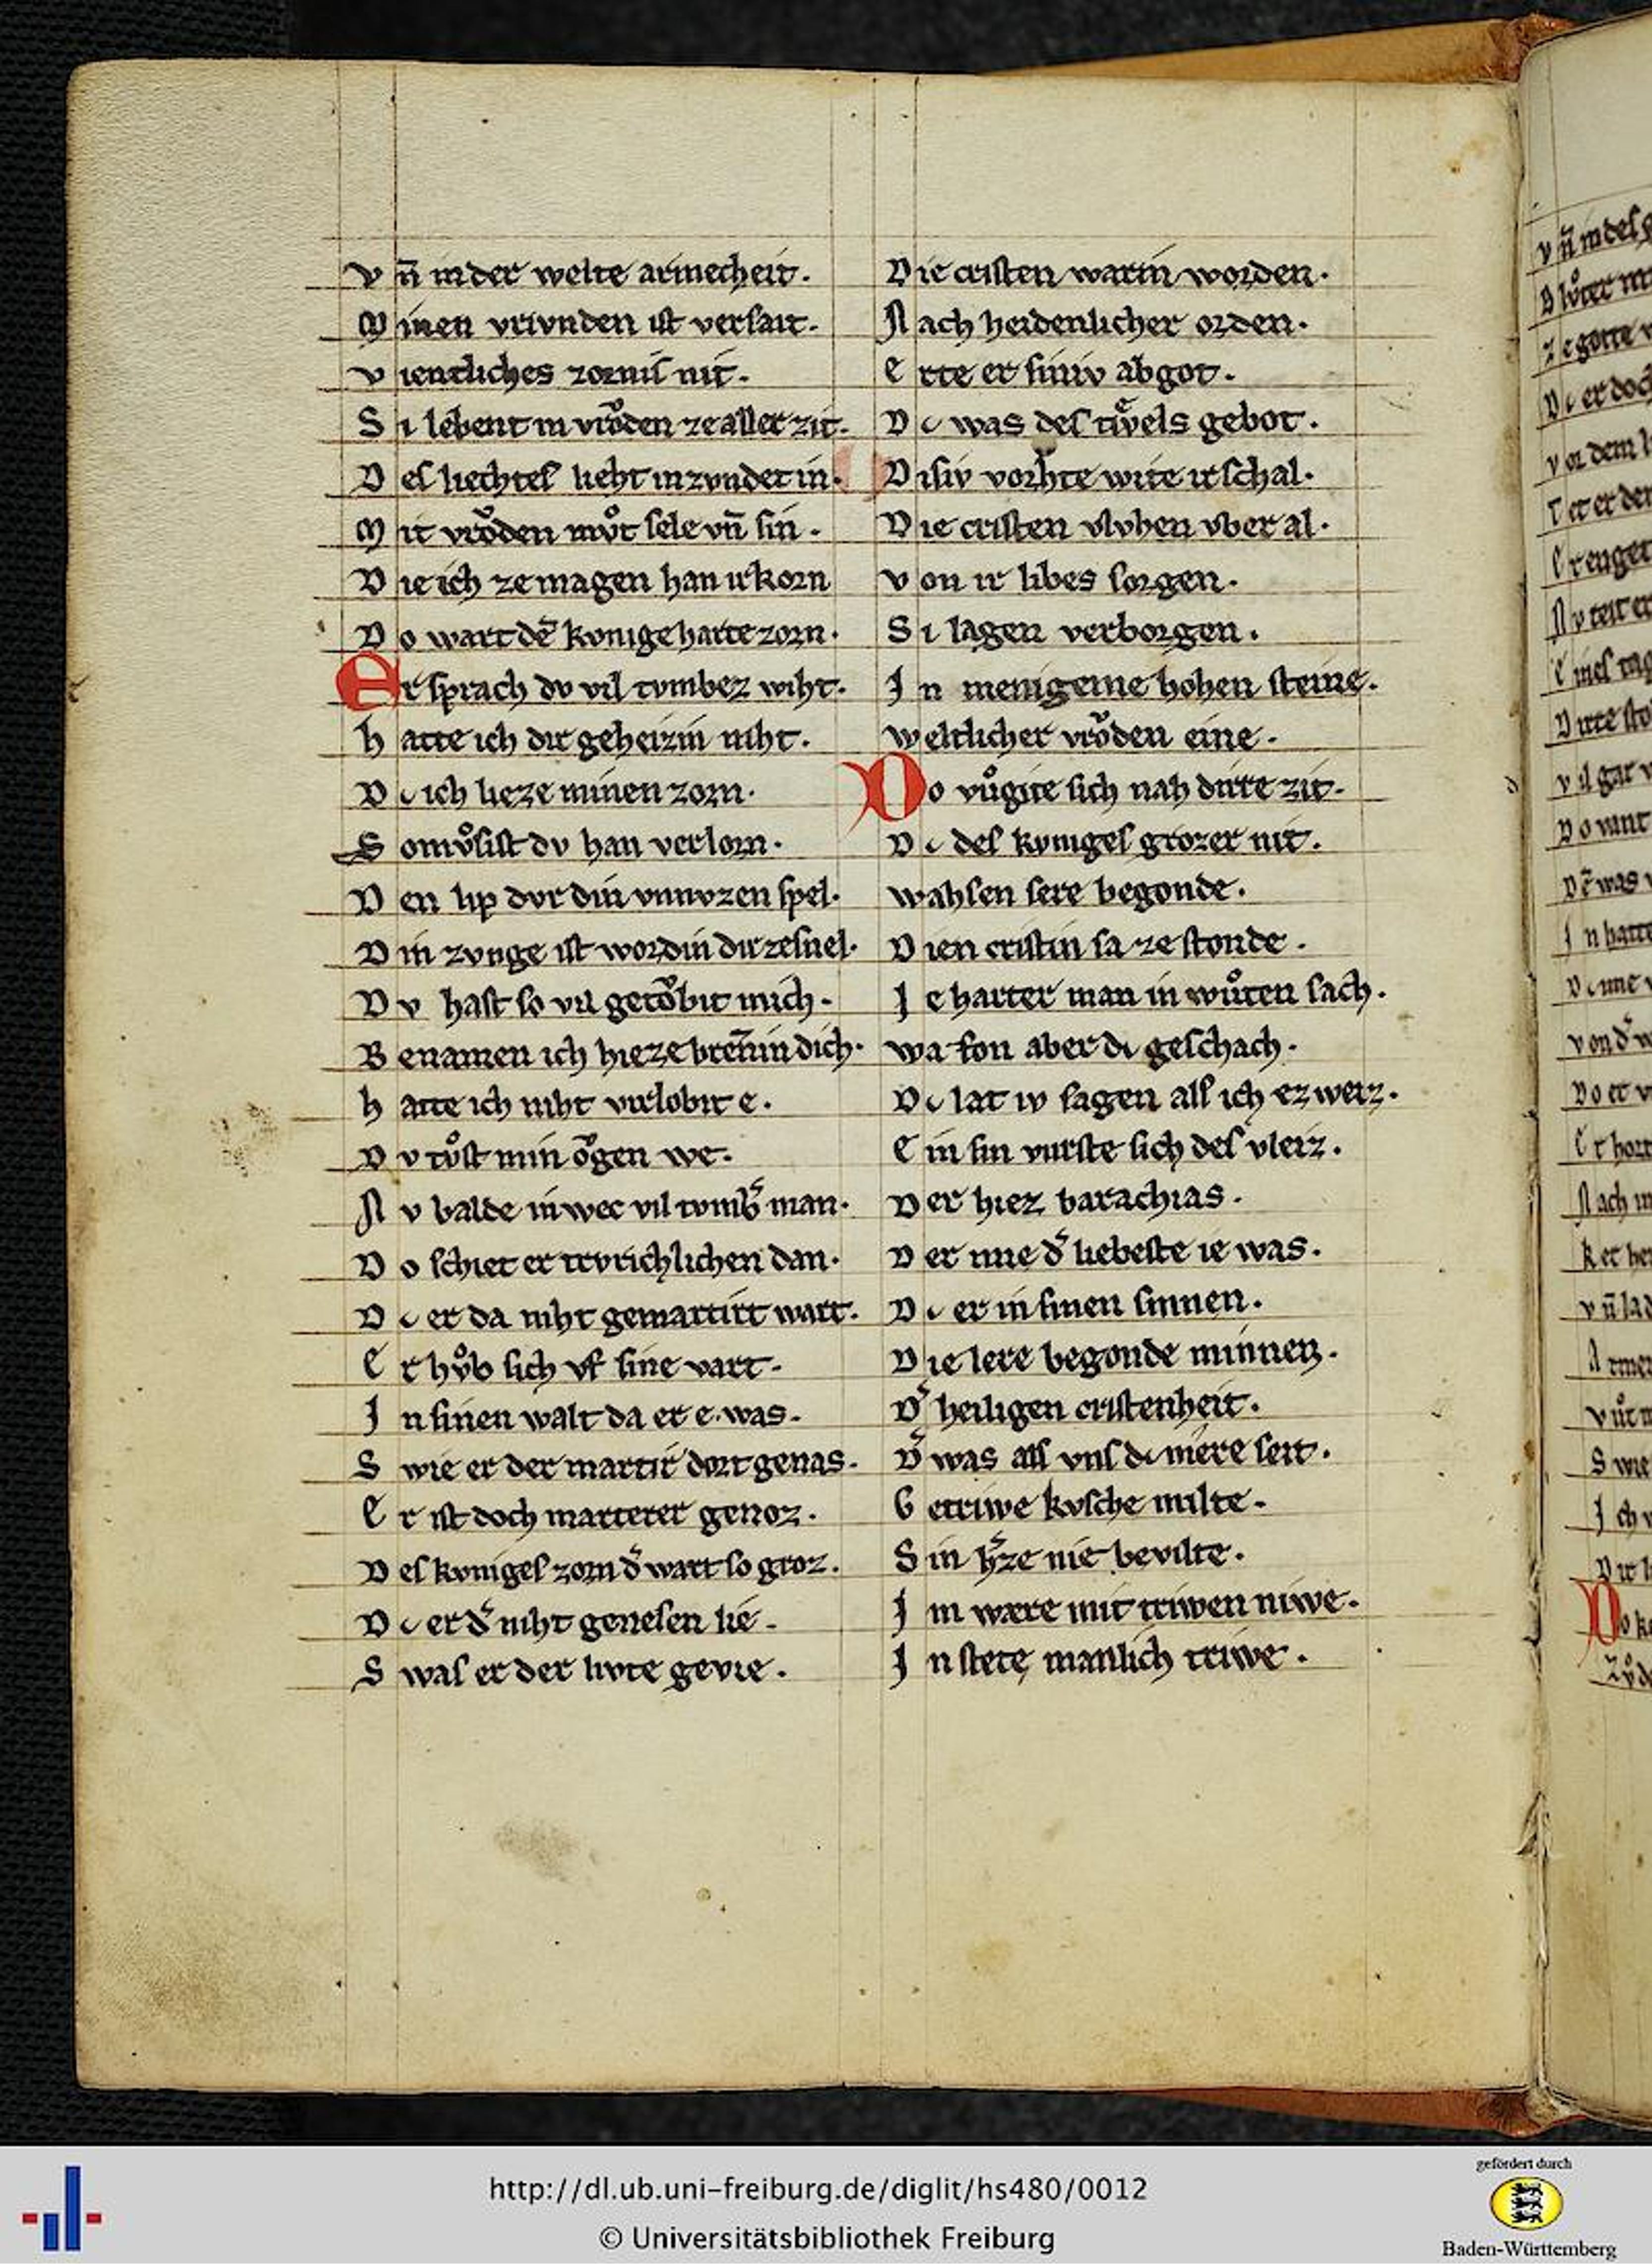Vn(d) in der welte armecheit.
Minen vrivnden iſt verſait.
Vientliches zorniſ nit.
Si lebent in vro°vden ze aller zit.
Deſ liechteſ lieht inzvndet in.
Mit vro°vden mv°ot ſele vn(d) ſin.
Die ich ze magen han irkorn.
Do wart de(m) kvnige harte zorn.
*Er ſprach dv vil tvmbez wiht.
Hatte ich dir geheizin niht.
D(az) ich lieze minen zorn.
Somv°oſiſt dv han verlorn.
Den lip dvr din vnnvzen ſpel.
Din zvnge iſt wordin dir zeſnel.
Dv haſt ſo vil geto°vbit mich.
Benamen ich hieze bren(n)in dich.
Hatte ich niht virlobit e.
Dv tv°oſt min o°vgen we.
Nv balde in wec vil tvmb(er) man.
Do ſchiet er trvrichlichen dan.
D(az) er da niht gemartirt wart.
Er hv°ob ſich vf ſine vart.
In ſinen walt da er e was.
Swie er der martir dort genas.
Er iſt doch marterer genoz.
Deſ kvnigeſ zorn d(er) wart ſo groz.
D(az) er d(er) niht geneſen lie.
Swaſ er der livte gevie.
Die criſten warin worden.
Nach heidenlicher orden.
Erte er ſiniv abgot.
D(az) was deſ ti°evels gebot.
Diſiv vorhte wite irſchal.
Die criſten vluhen vberal.
Von ir libes ſorgen.
Si lagen verborgen.
In menigeme hohen ſteine.
weltlicher vro°vden eine.
*Do vu°ogite ſich nah dirre zit.
D(az) deſ kvnigeſ grozer nit.
Wahſen ſere begonde.
Dien criſtin ſa ze ſtonde.
Ie harter man in wu°oten ſach.
Wa fon aber d(az) geſchach.
D(az) lat iv ſagen alſ ich ez weiz.
Ein ſin vurſte ſich deſ vleiz.
Der hiez barachias.
Der ime d(er) liebeſte ie was.
D(az) er in ſinen ſinnen.
Die lere begonde minnen.
D(er) heiligen criſtenheit.
D(er) was alſ vnſ d(az) mere ſeit.
Getriwe kvſche milte.
Sin h(er)ze nie bevilte.
Im w[ae]re mit triwen niwe.
In ſtete manlich triwe.